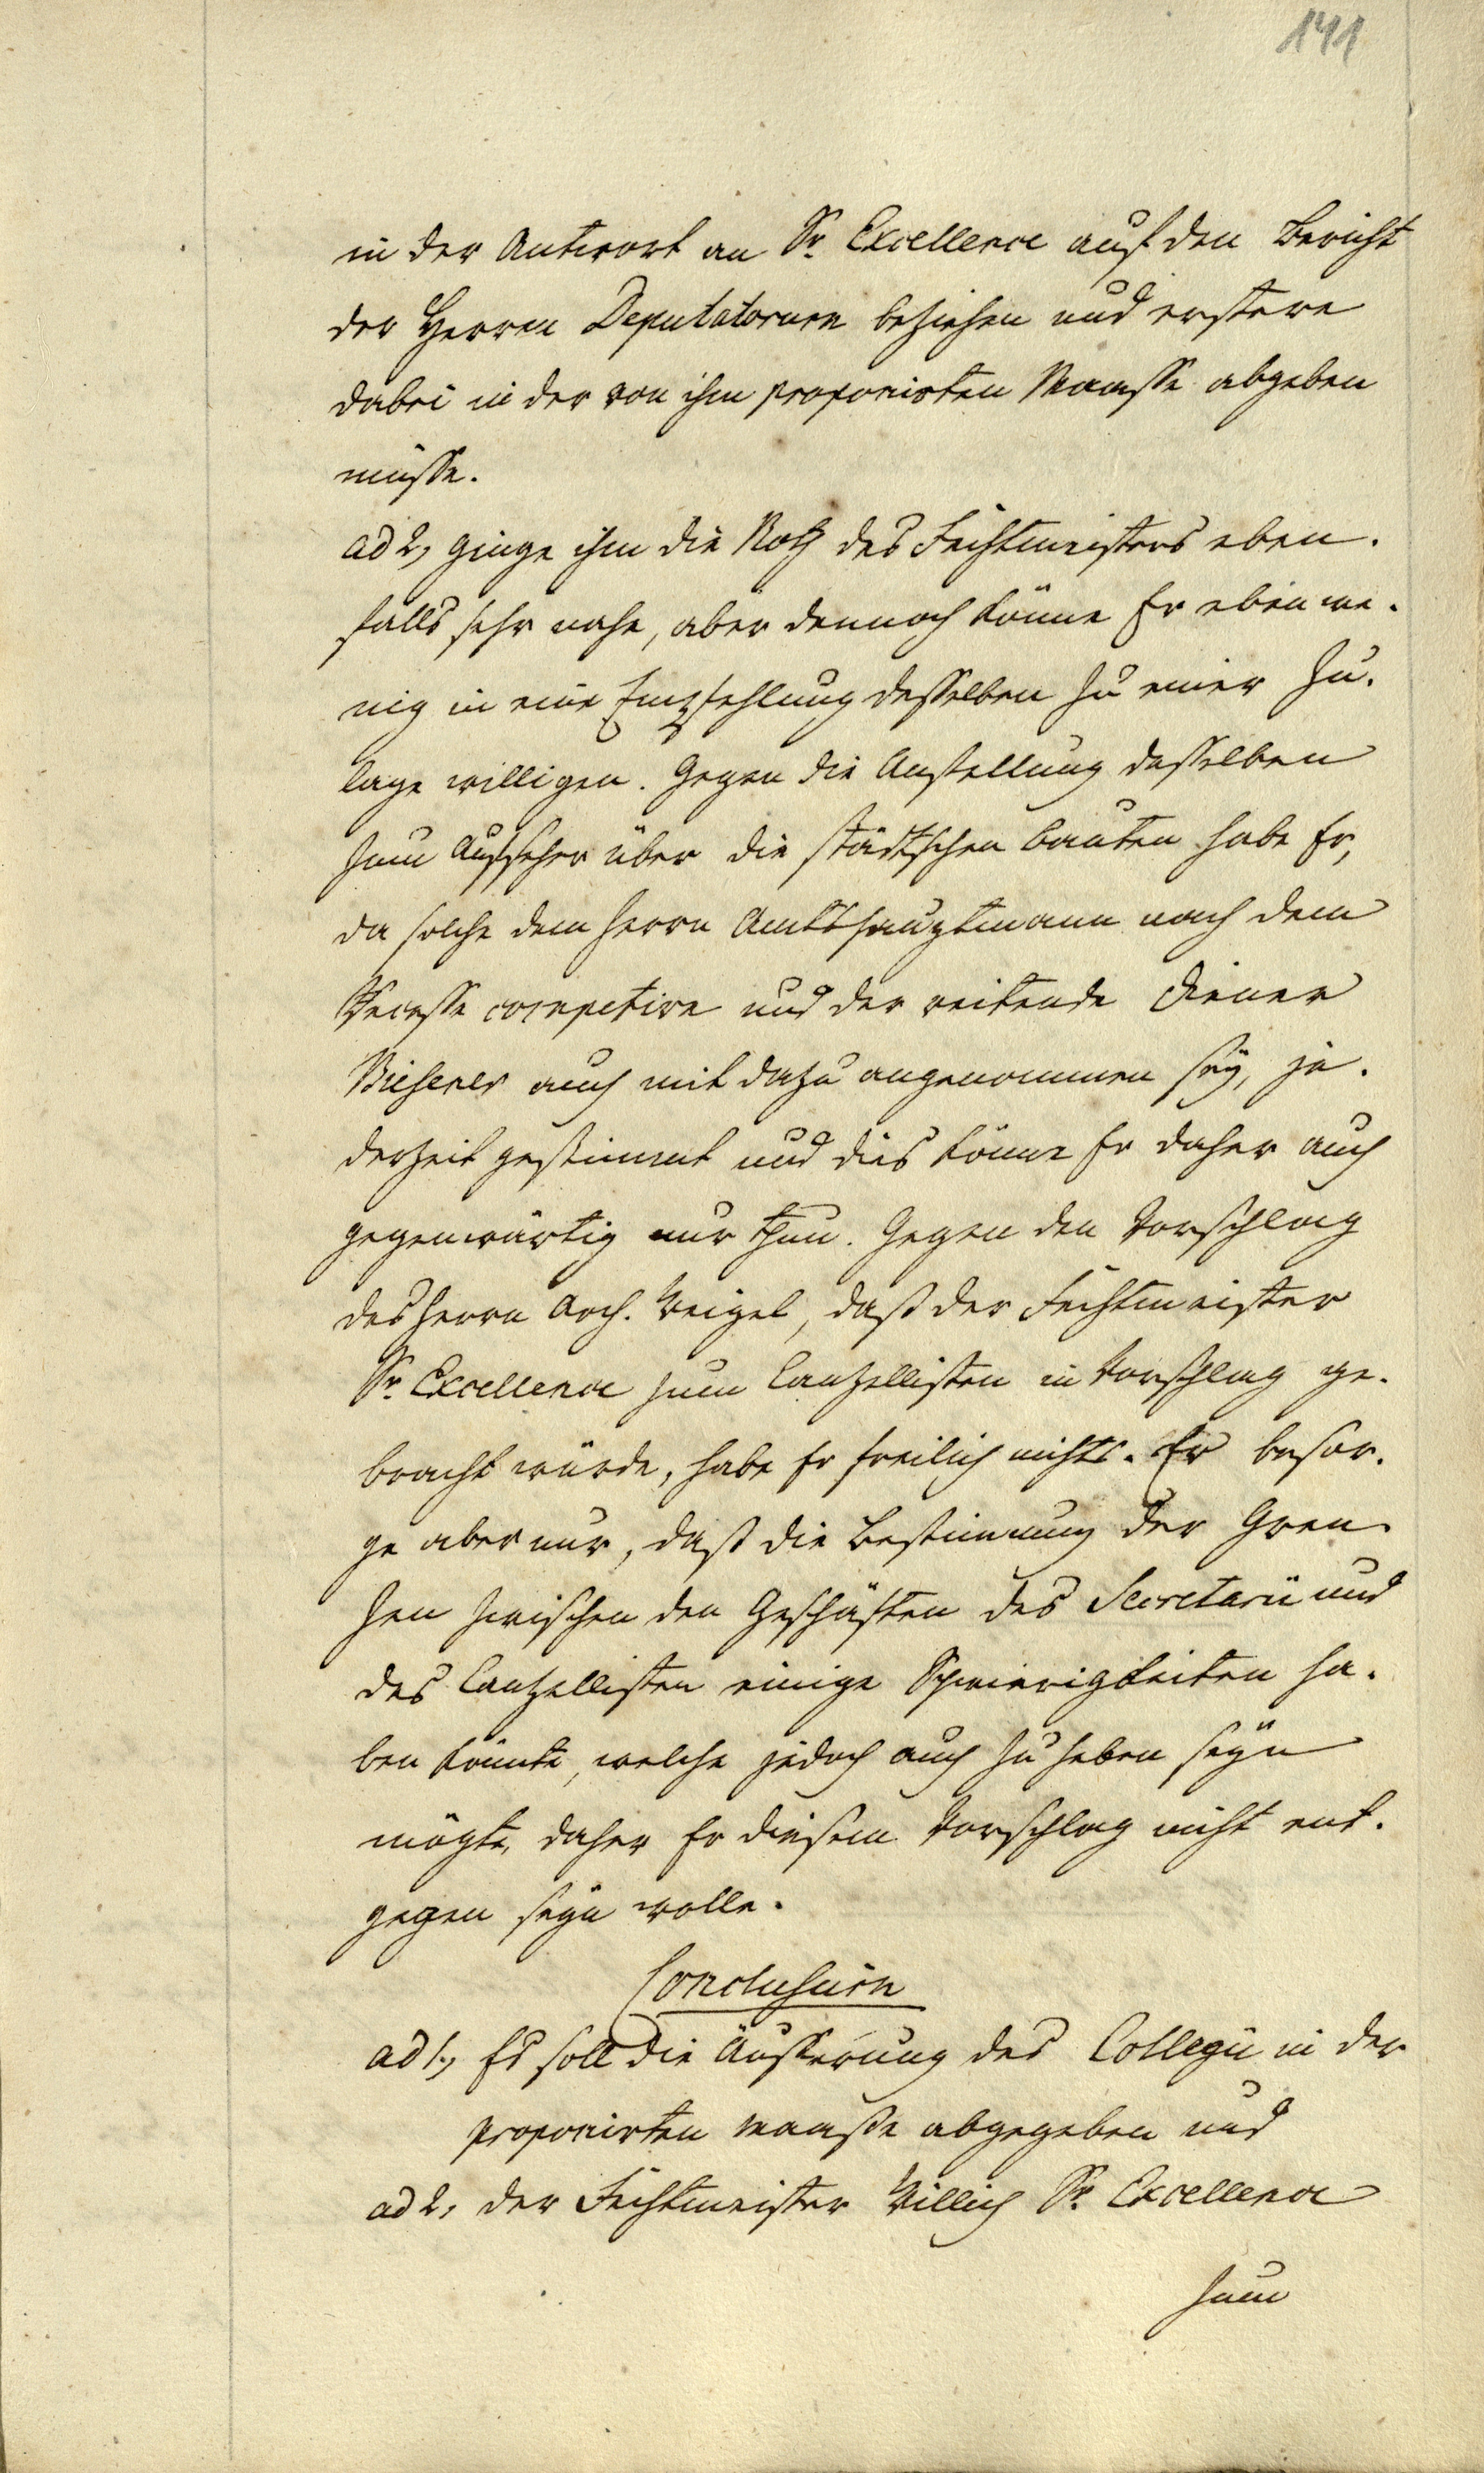in der Antwort an Sr Excellence auf den Bericht
der Herren Deputatorum beziehen und erstere
dabei in der von ihm proponirten Maasse abgeben
müsse.
ad 2., ginge ihm die Noth des Fechtmeisters eben¬
falls sehr nahe, aber dennoch könne Er ebenwe¬
nig in eine Empfehlung desselben zu einer Zu¬
lage willigen. Gegen die Anstellung desselben
zum Aufseher über die städtschen Bauten habe Er,
da solche dem Herrn Amtshauptmann nach dem
Recesse competire und der reitende Diener
Biesener auch mit dazu angenommen seÿ, je¬
derzeit gestimmt und dies könne Er daher auch
gegenwärtig nur thun. Gegen den Vorschlag
des Herrn Arch. Weigel, daß der Fechtmeister
Sr Excellence zum Canzellisten in Vorschlag ge¬
bracht würde, habe Er freilich nichts: Er besor¬
ge aber nur, daß die Bestimmung der Gren¬
zen zwischen den Geschäften des Secretarii und
des Canzellisten einige Schwierigkeiten ha¬
ben könnte, welche jedoch auch zu haben seÿn
mögte, daher Er diesem Vorschlag nicht ent¬
gegen seÿn wolle.
Conclusum
ad 1., Es soll die Äusserung des Collegii in der
proponirten Maaße abgegeben und
ad 2. der Fechtmeister Willich Sr Excellence
zum